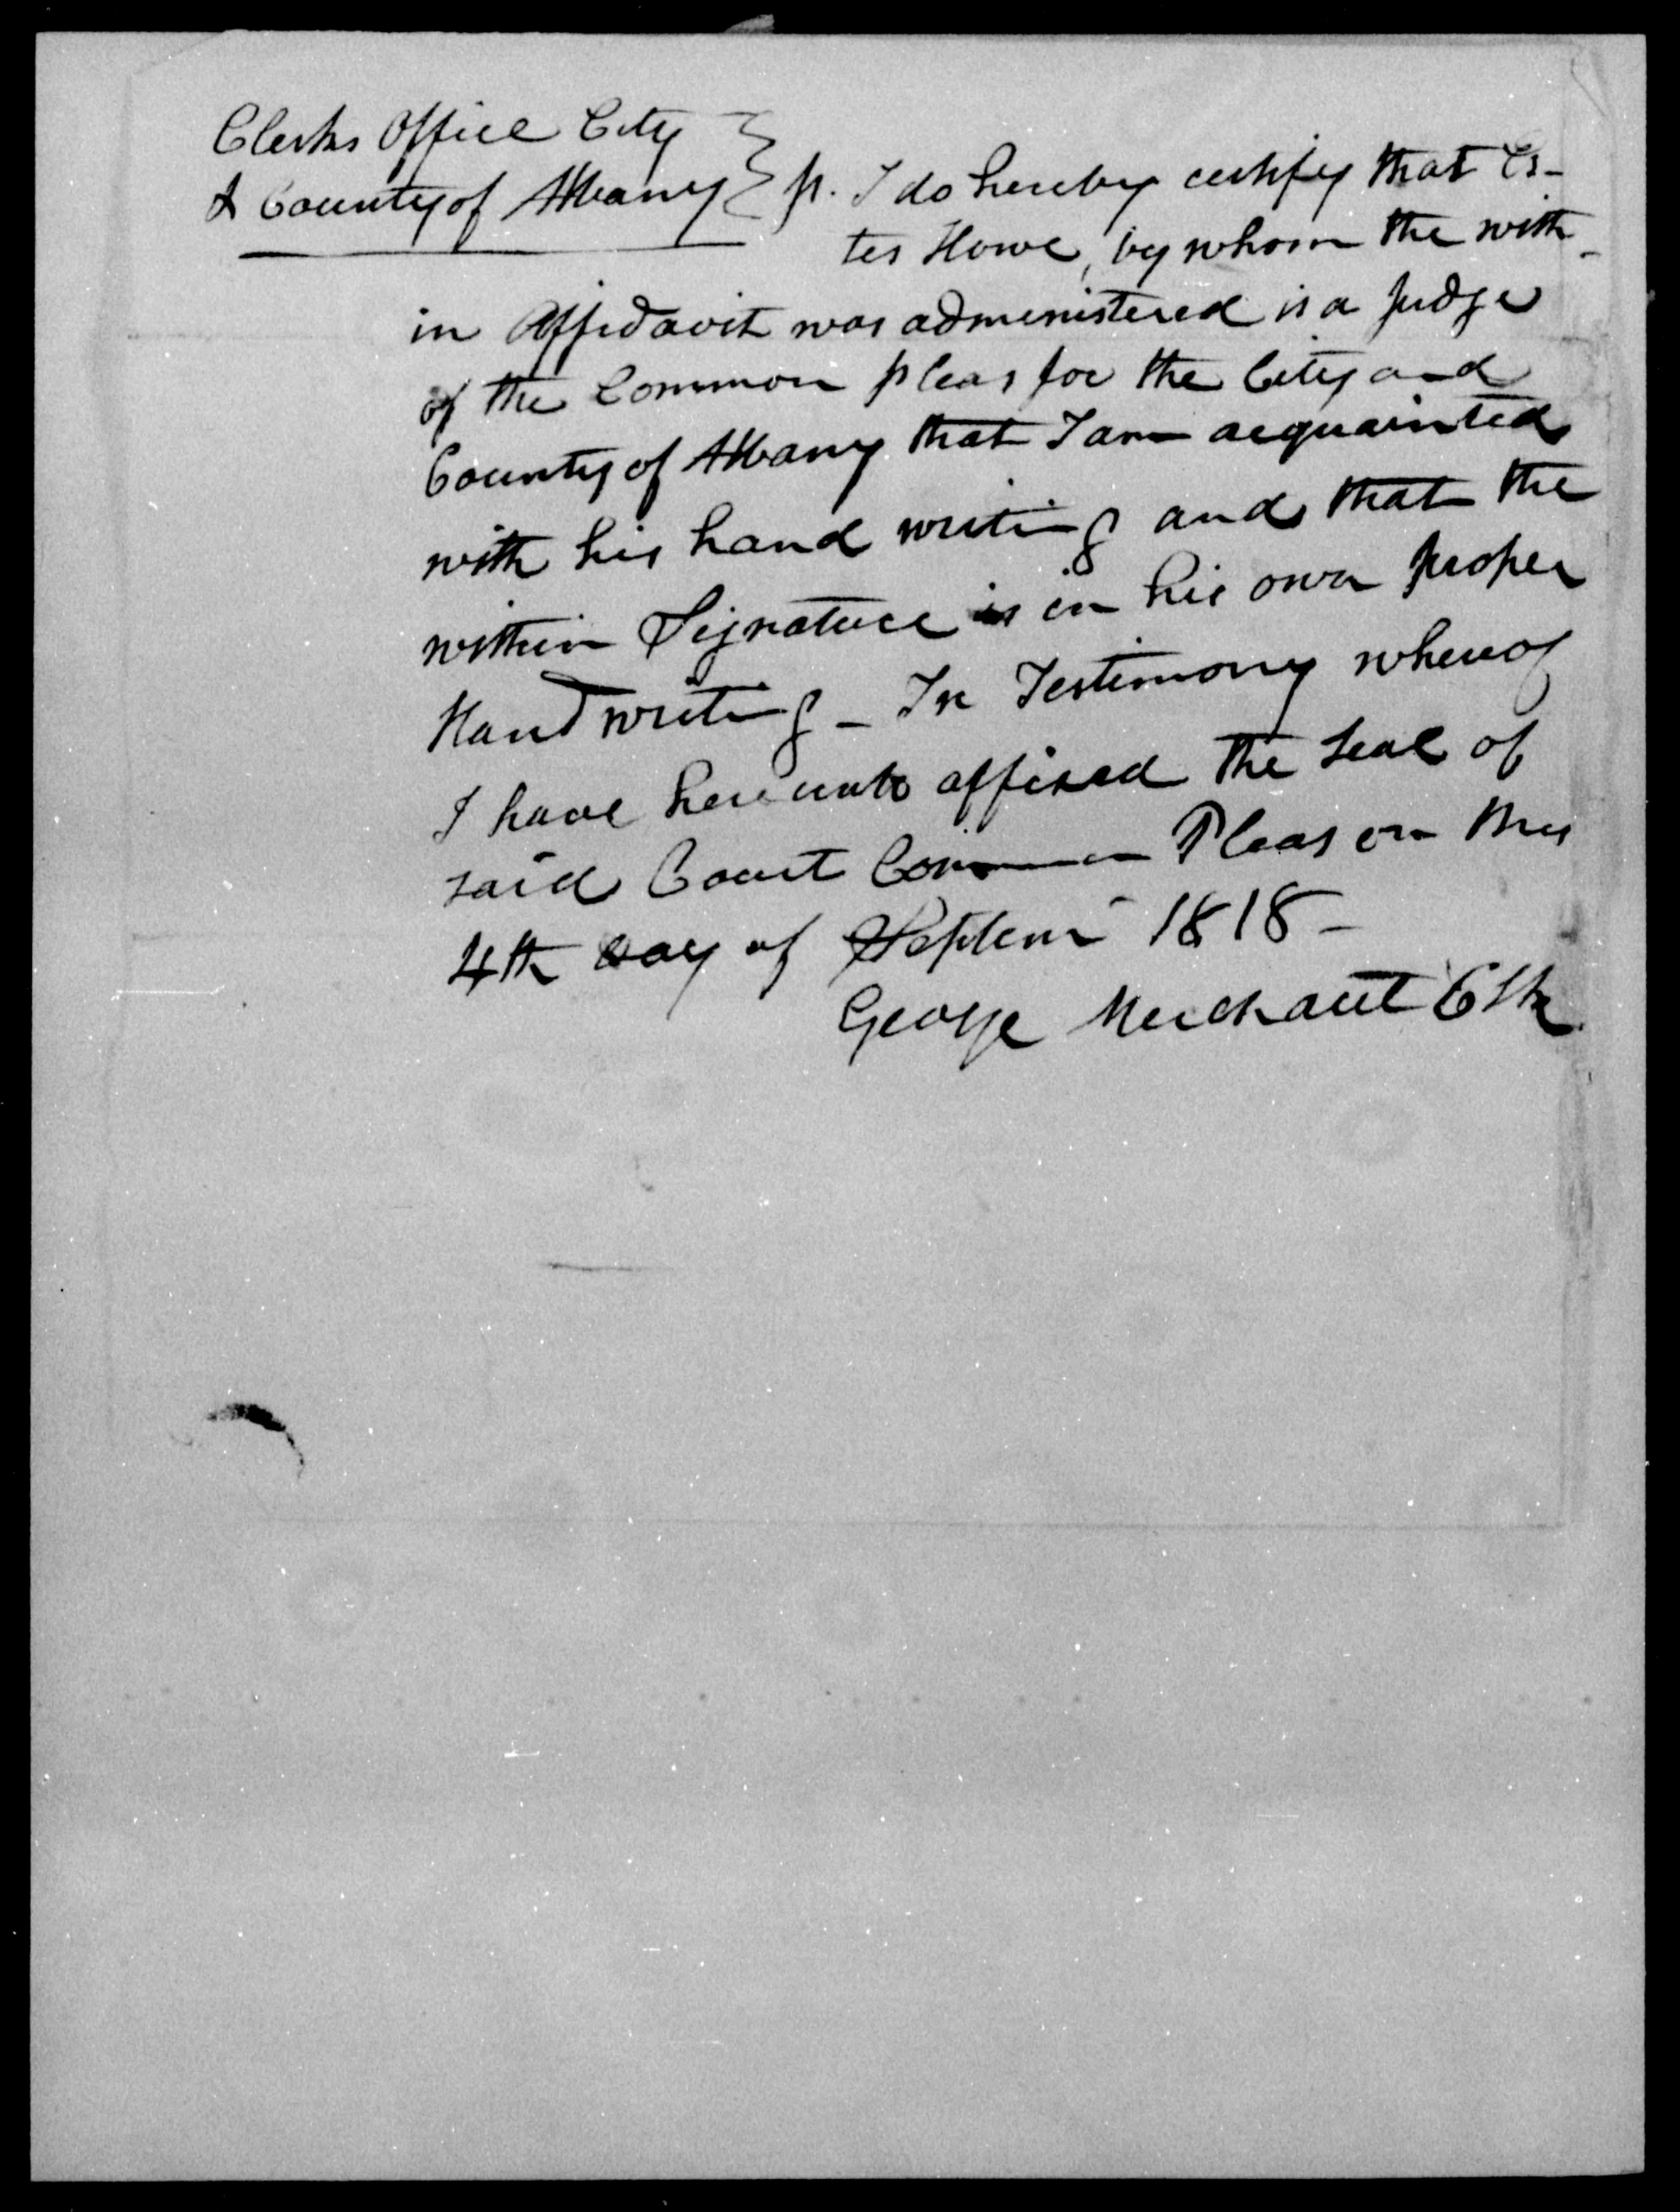Clerks Office City & County of Albany SS
I do hereby certify that Ester Howe, by whom the within affidavit was administered is a Judge of the Common Pleas for the City and County of Albany that I am acquainted with his hand writing and that the within signature is in his own proper handwriting - In testimony whereof I have hereunto affixed the seal of said court Common Pleas on this 4th day of Septemr 1818.
George Merchant Clk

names: George Merchant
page: 5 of 27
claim: survivor's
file: S. 43897, for Daniel Rankin, New York